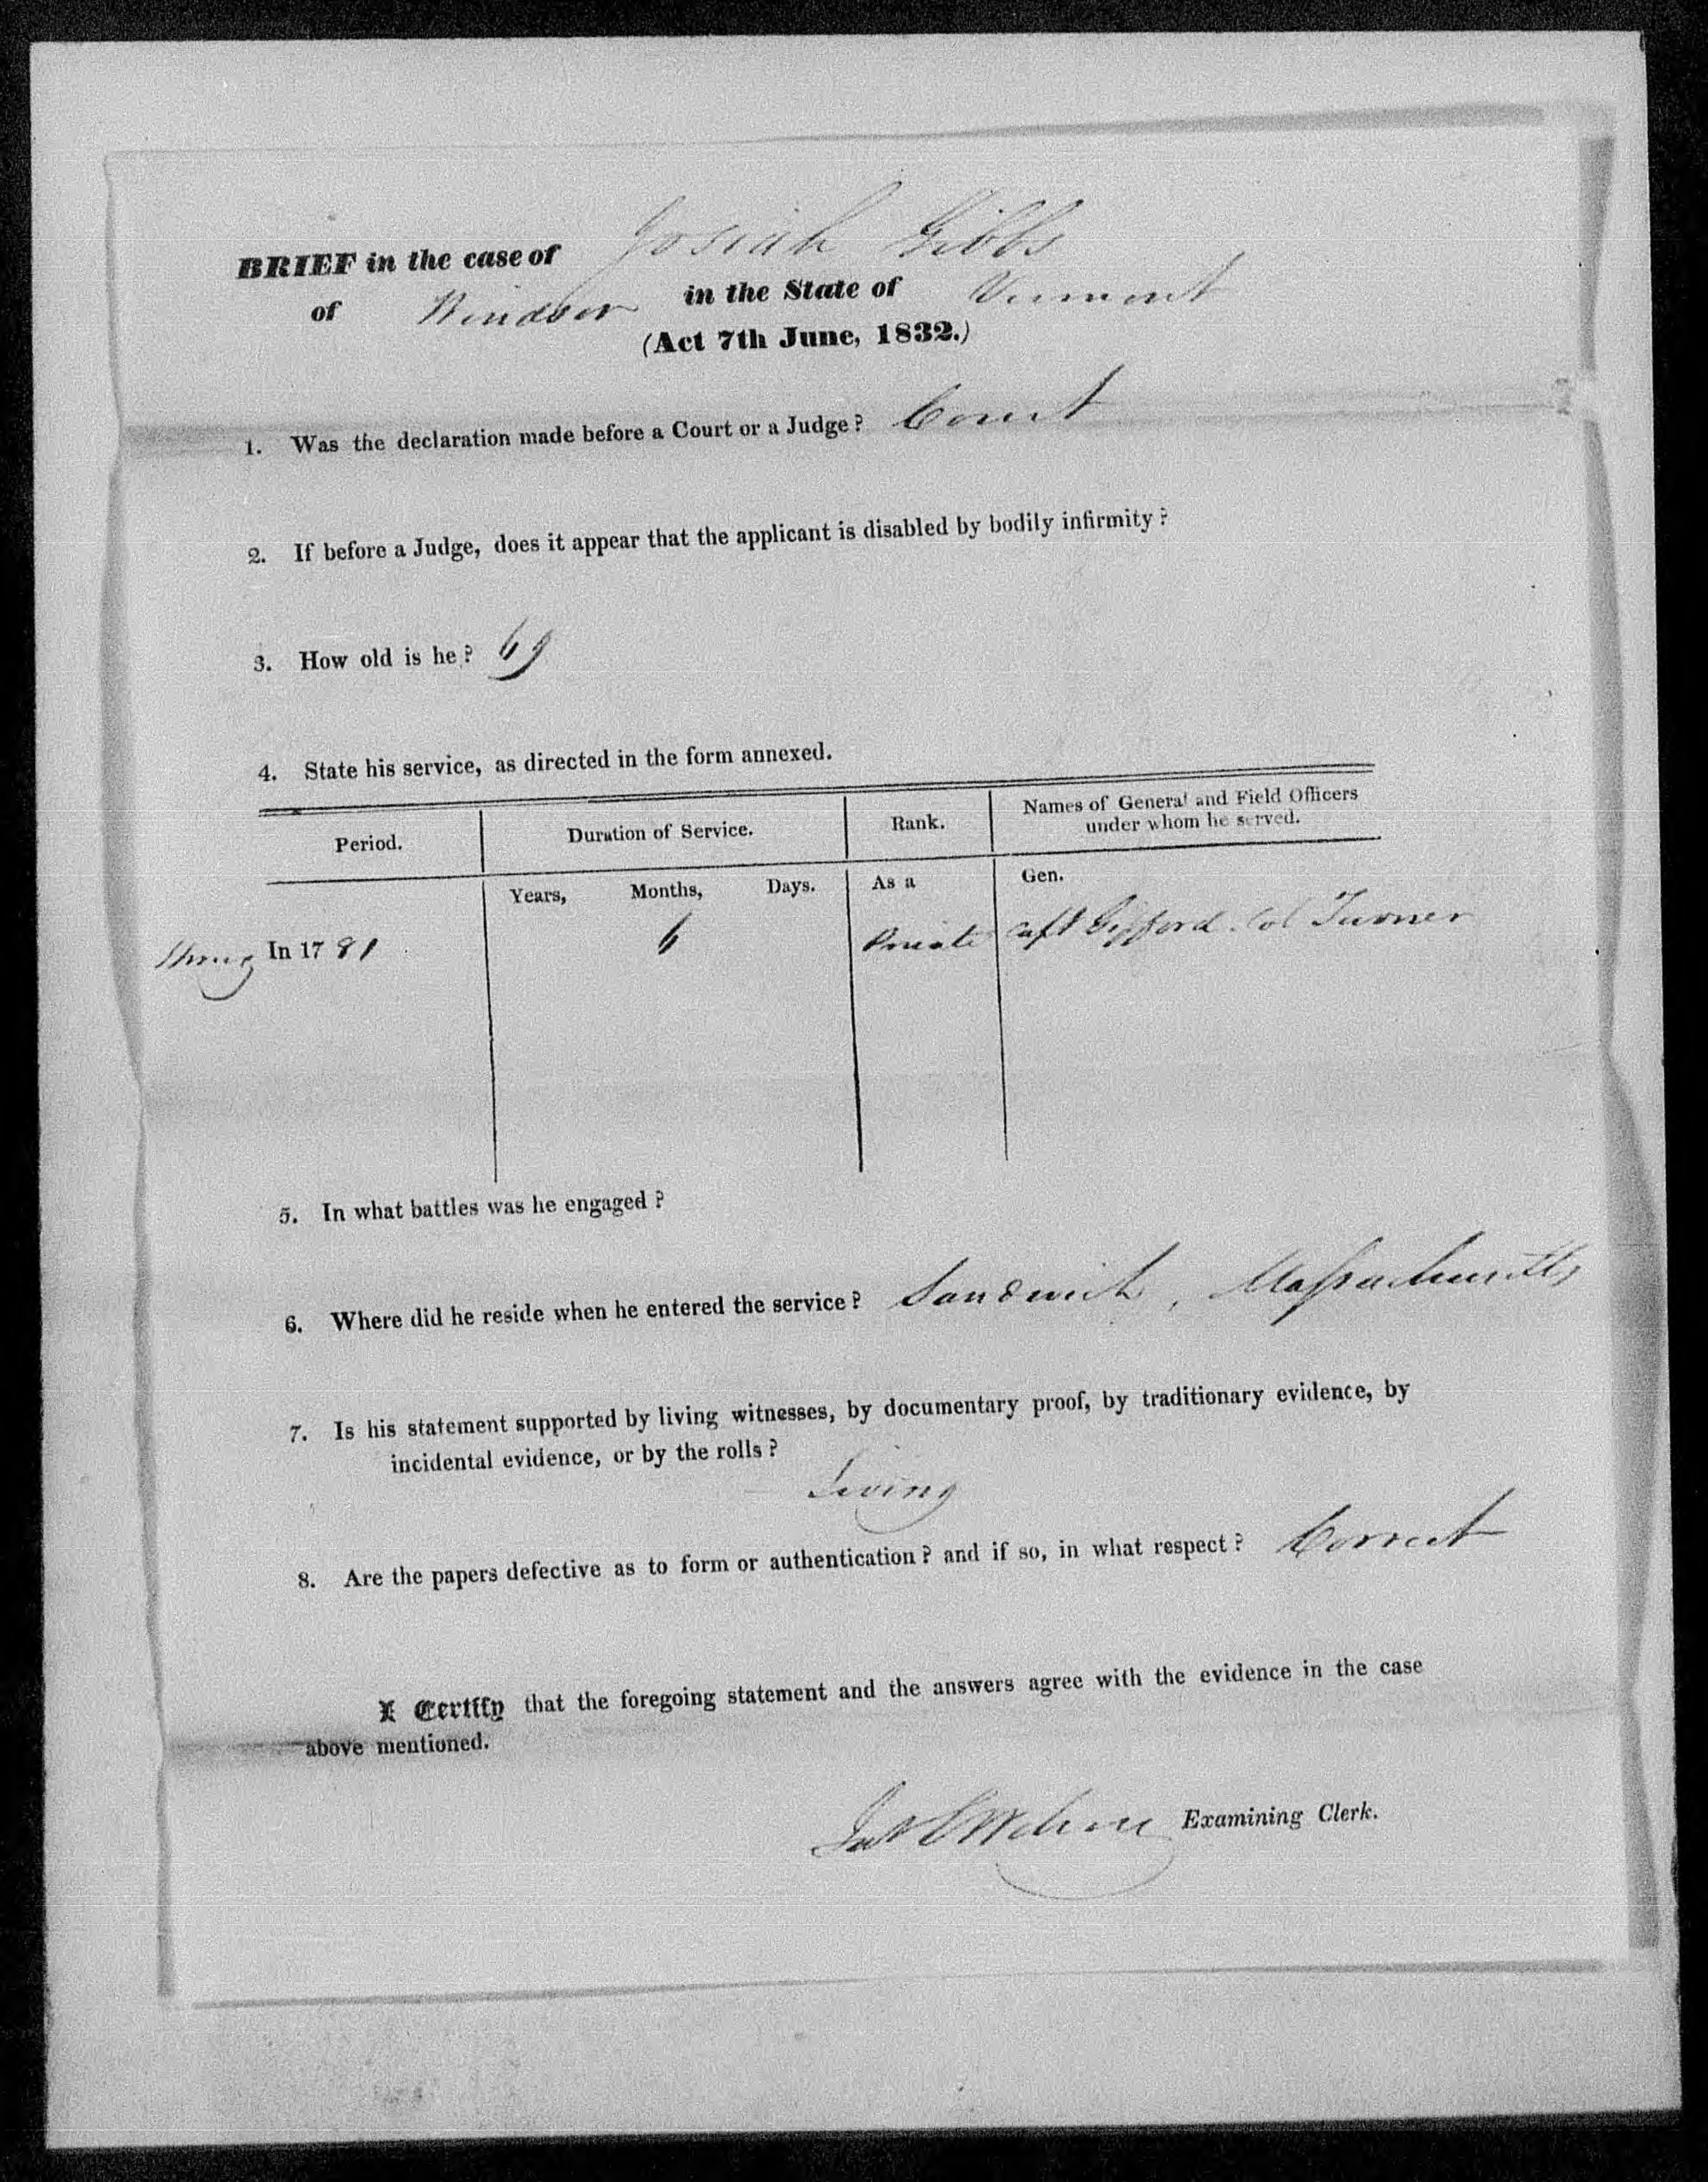BRIEF in the case of Josiah Gibbs of Windsor
in the State of Vermont
(Act 7th June, 1832.)

Was the declaration made before a Court or a Judge? Court
2. If before a Judge, does it appear that the applicant is disabled by bodily infirmity?
3. How old is he?  69
4.  State his service, as directed in the form annexed.

Period....spring In 1781
Duration of Service.
Years, months,  (6 mos.)
Rank.  as a Private
Names of General and Field Officers under whom he served...Capt Gifford, Col Turner
5. In what battles was he engaged?
6. Where did he reside when he entered the service?  Sandwich, Massachusetts
7. Is his statement supported by living witnesses, by documentary proof, by traditionary evidence, by incidental evidence, or by the rolls?.....Living...
8. Are the papers defective as to form or authentication? and if so, in what respect?               Correct

I certify that the foregoing statement and the answers agree with the evidence in the case above mentioned.
Jas C Wilson     Examining Clerk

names: Turner, Josiah Gibbs, Gifford, Jas C Wilson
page: 16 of 33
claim: widow's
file: W. 4681, Josiah Gibbs, Mass